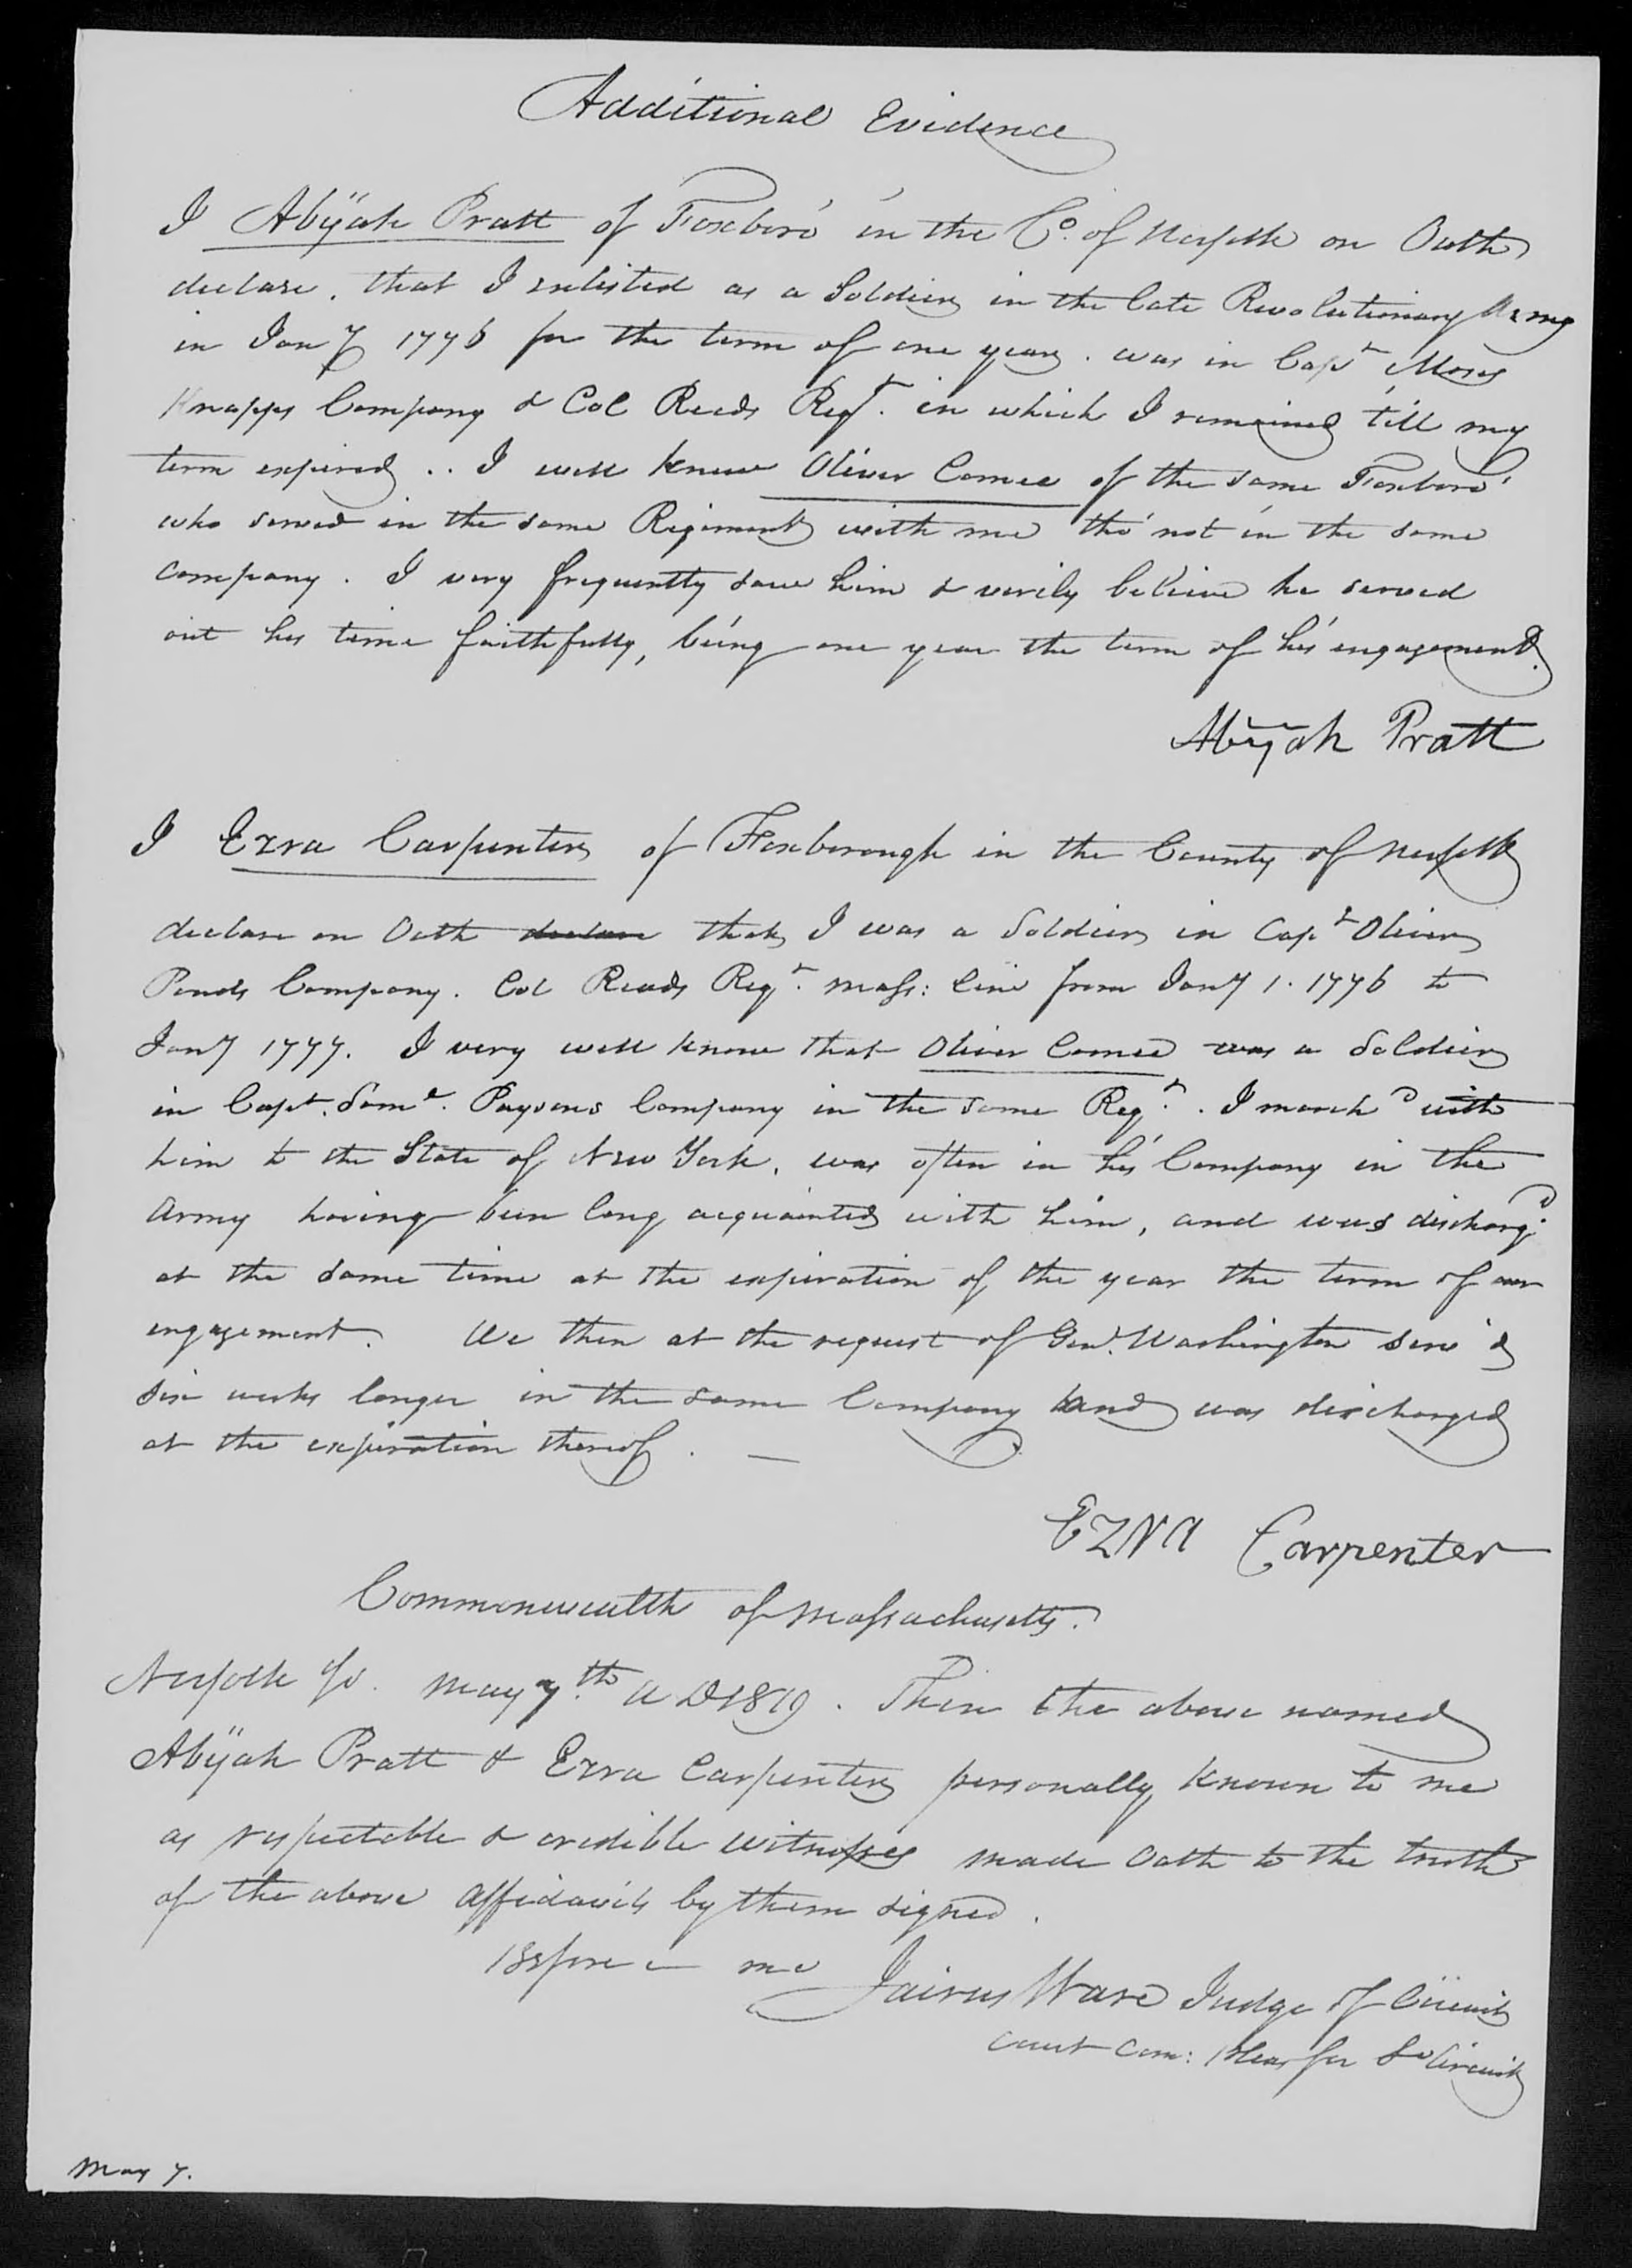Additional Evidence 

I Abijah Pratt of Foxboro in the Co of Norfolk on Oath declare that I enlisted as a soldier in the late Revolutionary Army in Jan of 1776 for the term of one year, was in Capt Morry Knapps Company & Col Reeds Regt in which I remained till my term expired. I well knew Oliver Comee of the same Foxboro’ who served in the same Regiment with me tho’ not in the same company. I very frequently saw him & verily believe he served out his time faithfully, being one year the term of his engagement.
Abijah Pratt

 I Ezra Carpenter of Foxborough in the County of Norfolk declare on oath that I was a Soldier in Capt Oliver Pinots Company. Col Reads Regt Mass. Line from Jany 1. 1776 to Jany 1777. I very well know that Oliver Comee was a soldier in Capt Saml Paysons Company in the same Reg’t I march’d with him to the State of New York, was often in his Company in the Army having been long acquainted with him, and was discharg’d at the same time at the expiration of the year the term of our engagement We then at the request of Gen. Washington Serv’d six weeks longer in the same Company and was discharged at the expiration thereof. — 
Ezra Carpenter 
Commonwealth of Massachusetts. 
Norfolk Ss.  May 7th AD 1819. Then the above named Abijah Pratt & Ezra Carpenter personally known to me as respectible & credible witnesses made oath to the truth of the above affidavits by them signed.
Before me. Jairus Ware Judge of Circuit Court Com: Pleas for So Circuit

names: Abijah Pratt, Ezra Carpenter, Ezra Carpenter, Ezra Carpenter, Washington, Oliver Comee, Abijah Pratt, Oliver Comee, Jairus Ware, Abijah Pratt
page: 35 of 45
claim: widow's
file: W. 14,567, Oliver Comee, Mass.